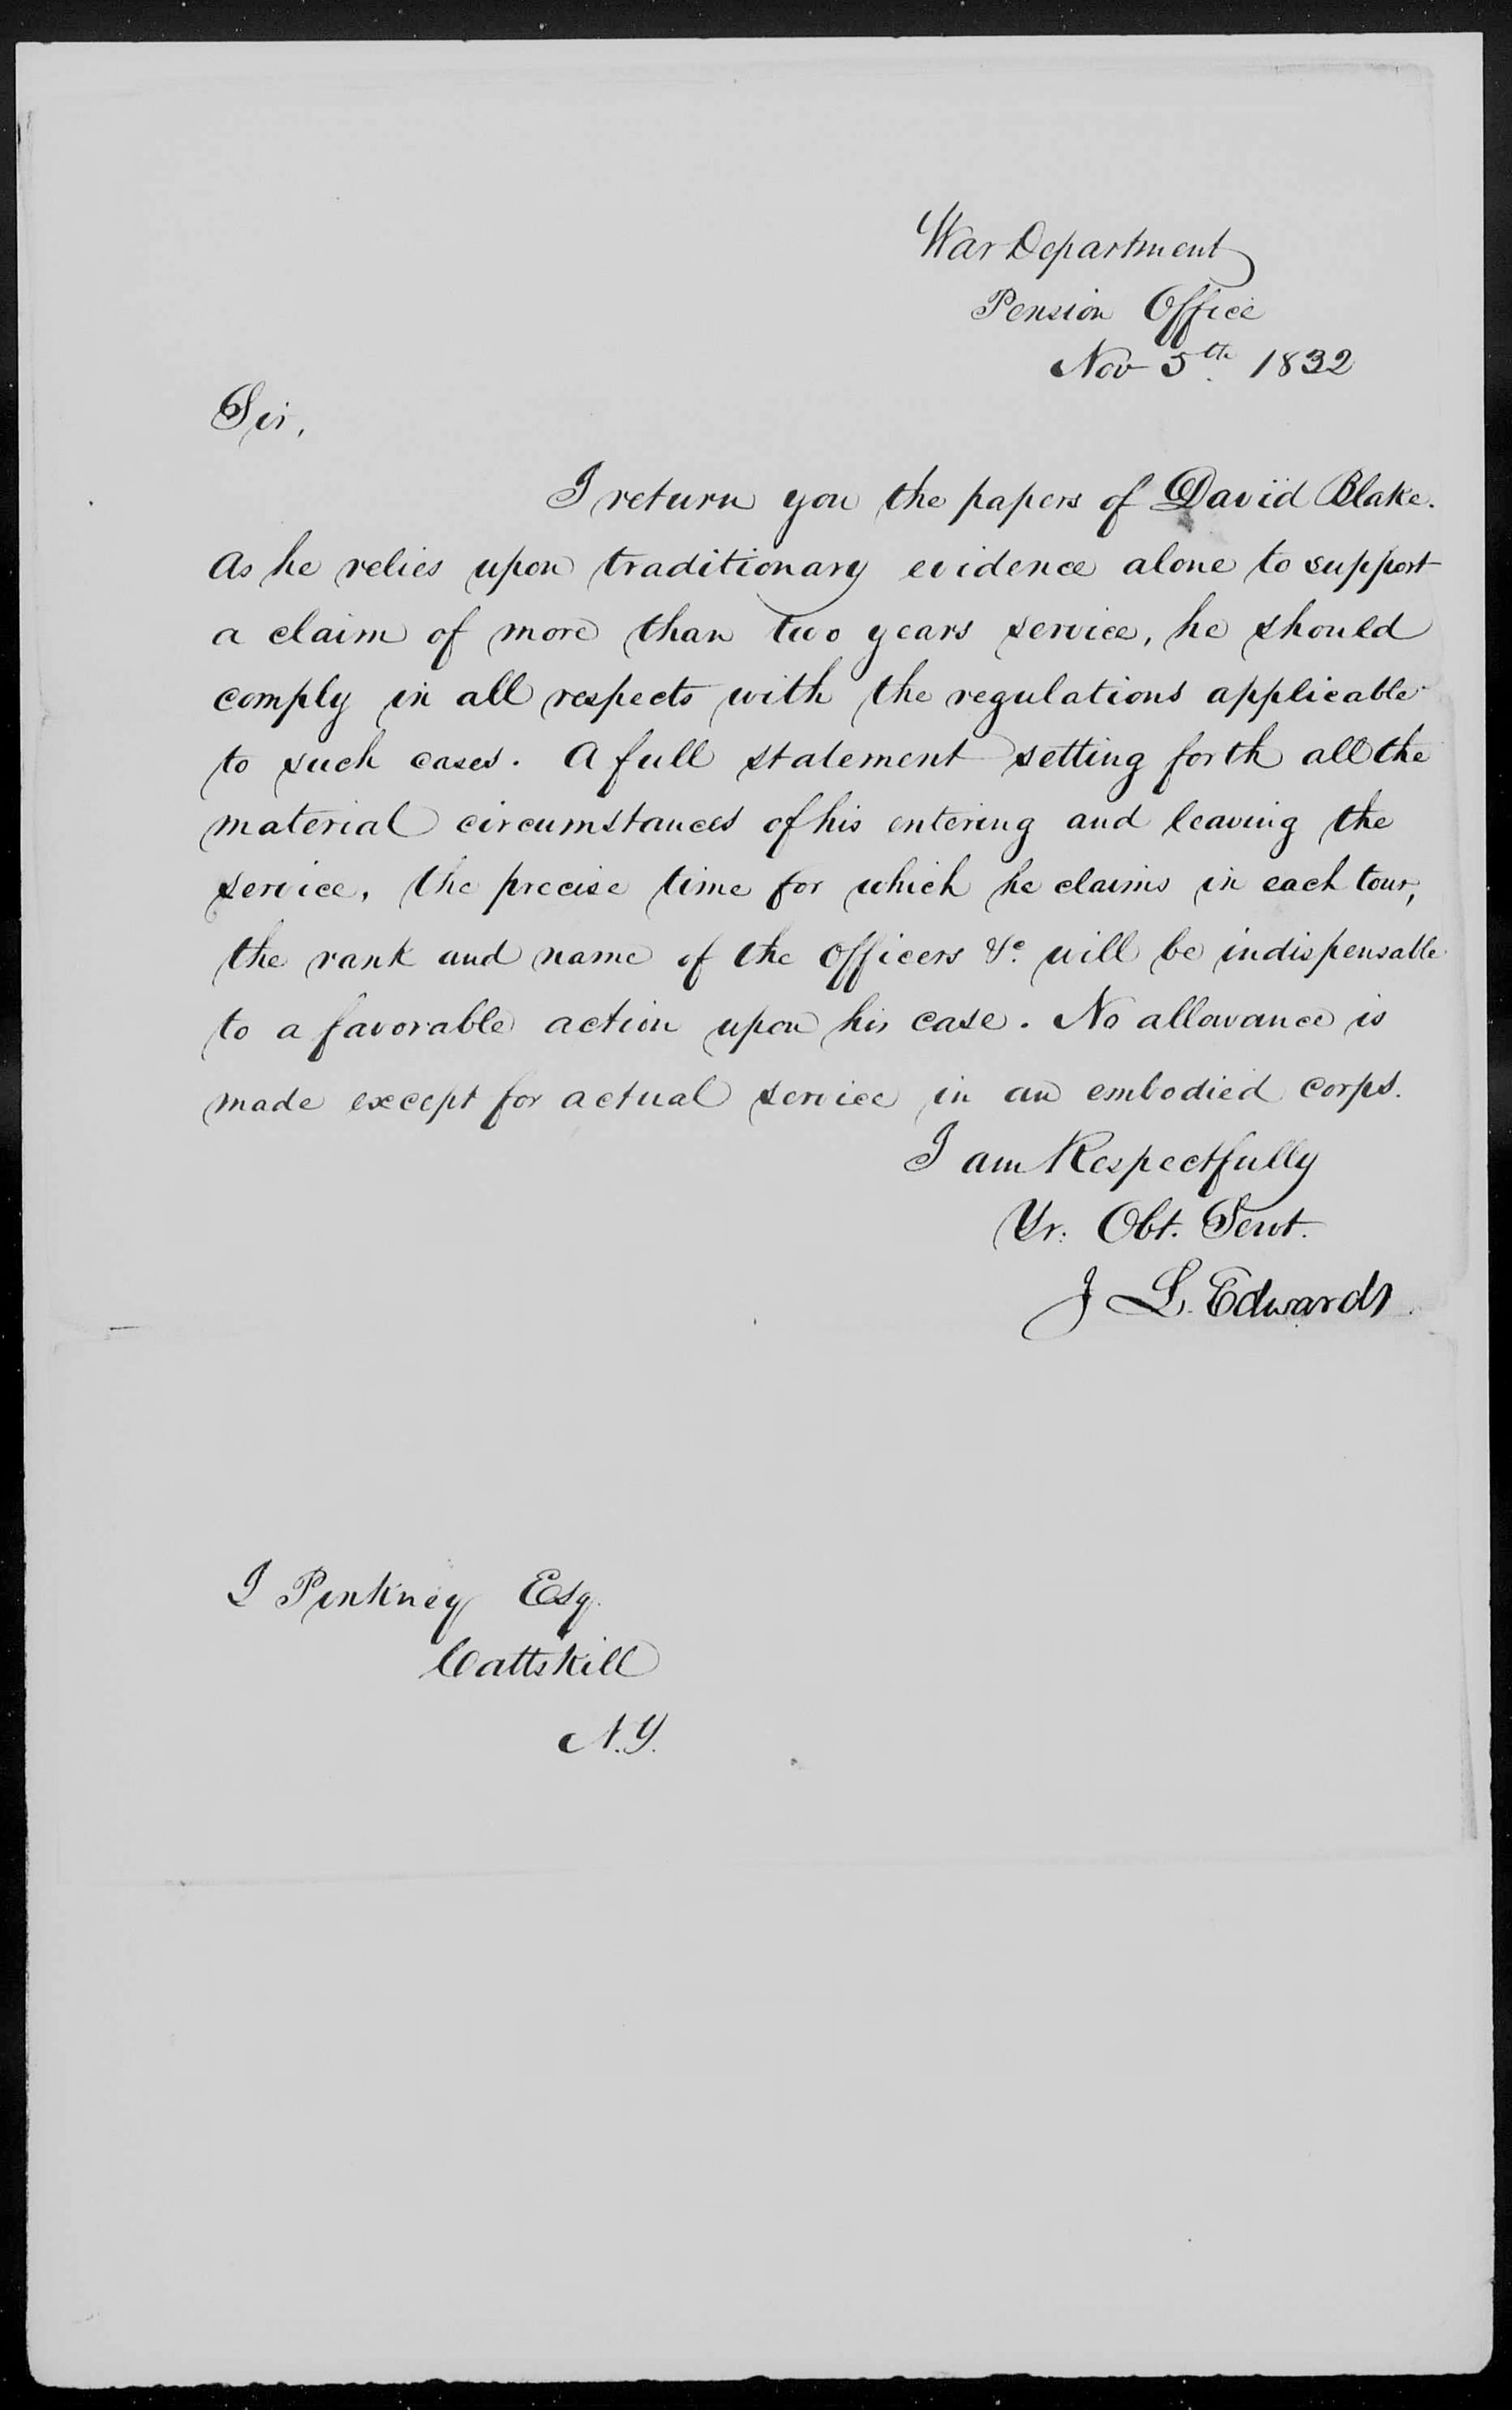War Department
Pension Office
Nov 5th 1832

Sir,

I return you the papers of David Blake.  As he relies upon traditionary evidence alone to support a claim of more than two years services, he should comply in all respects with the regulations applicable to such cases.  A full statement setting forth all the material circumstances of his entering and leaving the service.  The precise time for which he claims in each tour, the rank and name of the officers he will be indispensable to a favorable action upon his case.  No allowances is made except for actual service in an embodied corps.

I am Respectfully
Mr. Obt. Servt
J L Edwards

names: J L Edwards, J Penkney, David Blake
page: 13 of 21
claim: survivor's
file: S. 23,128, David Blake, Conn.